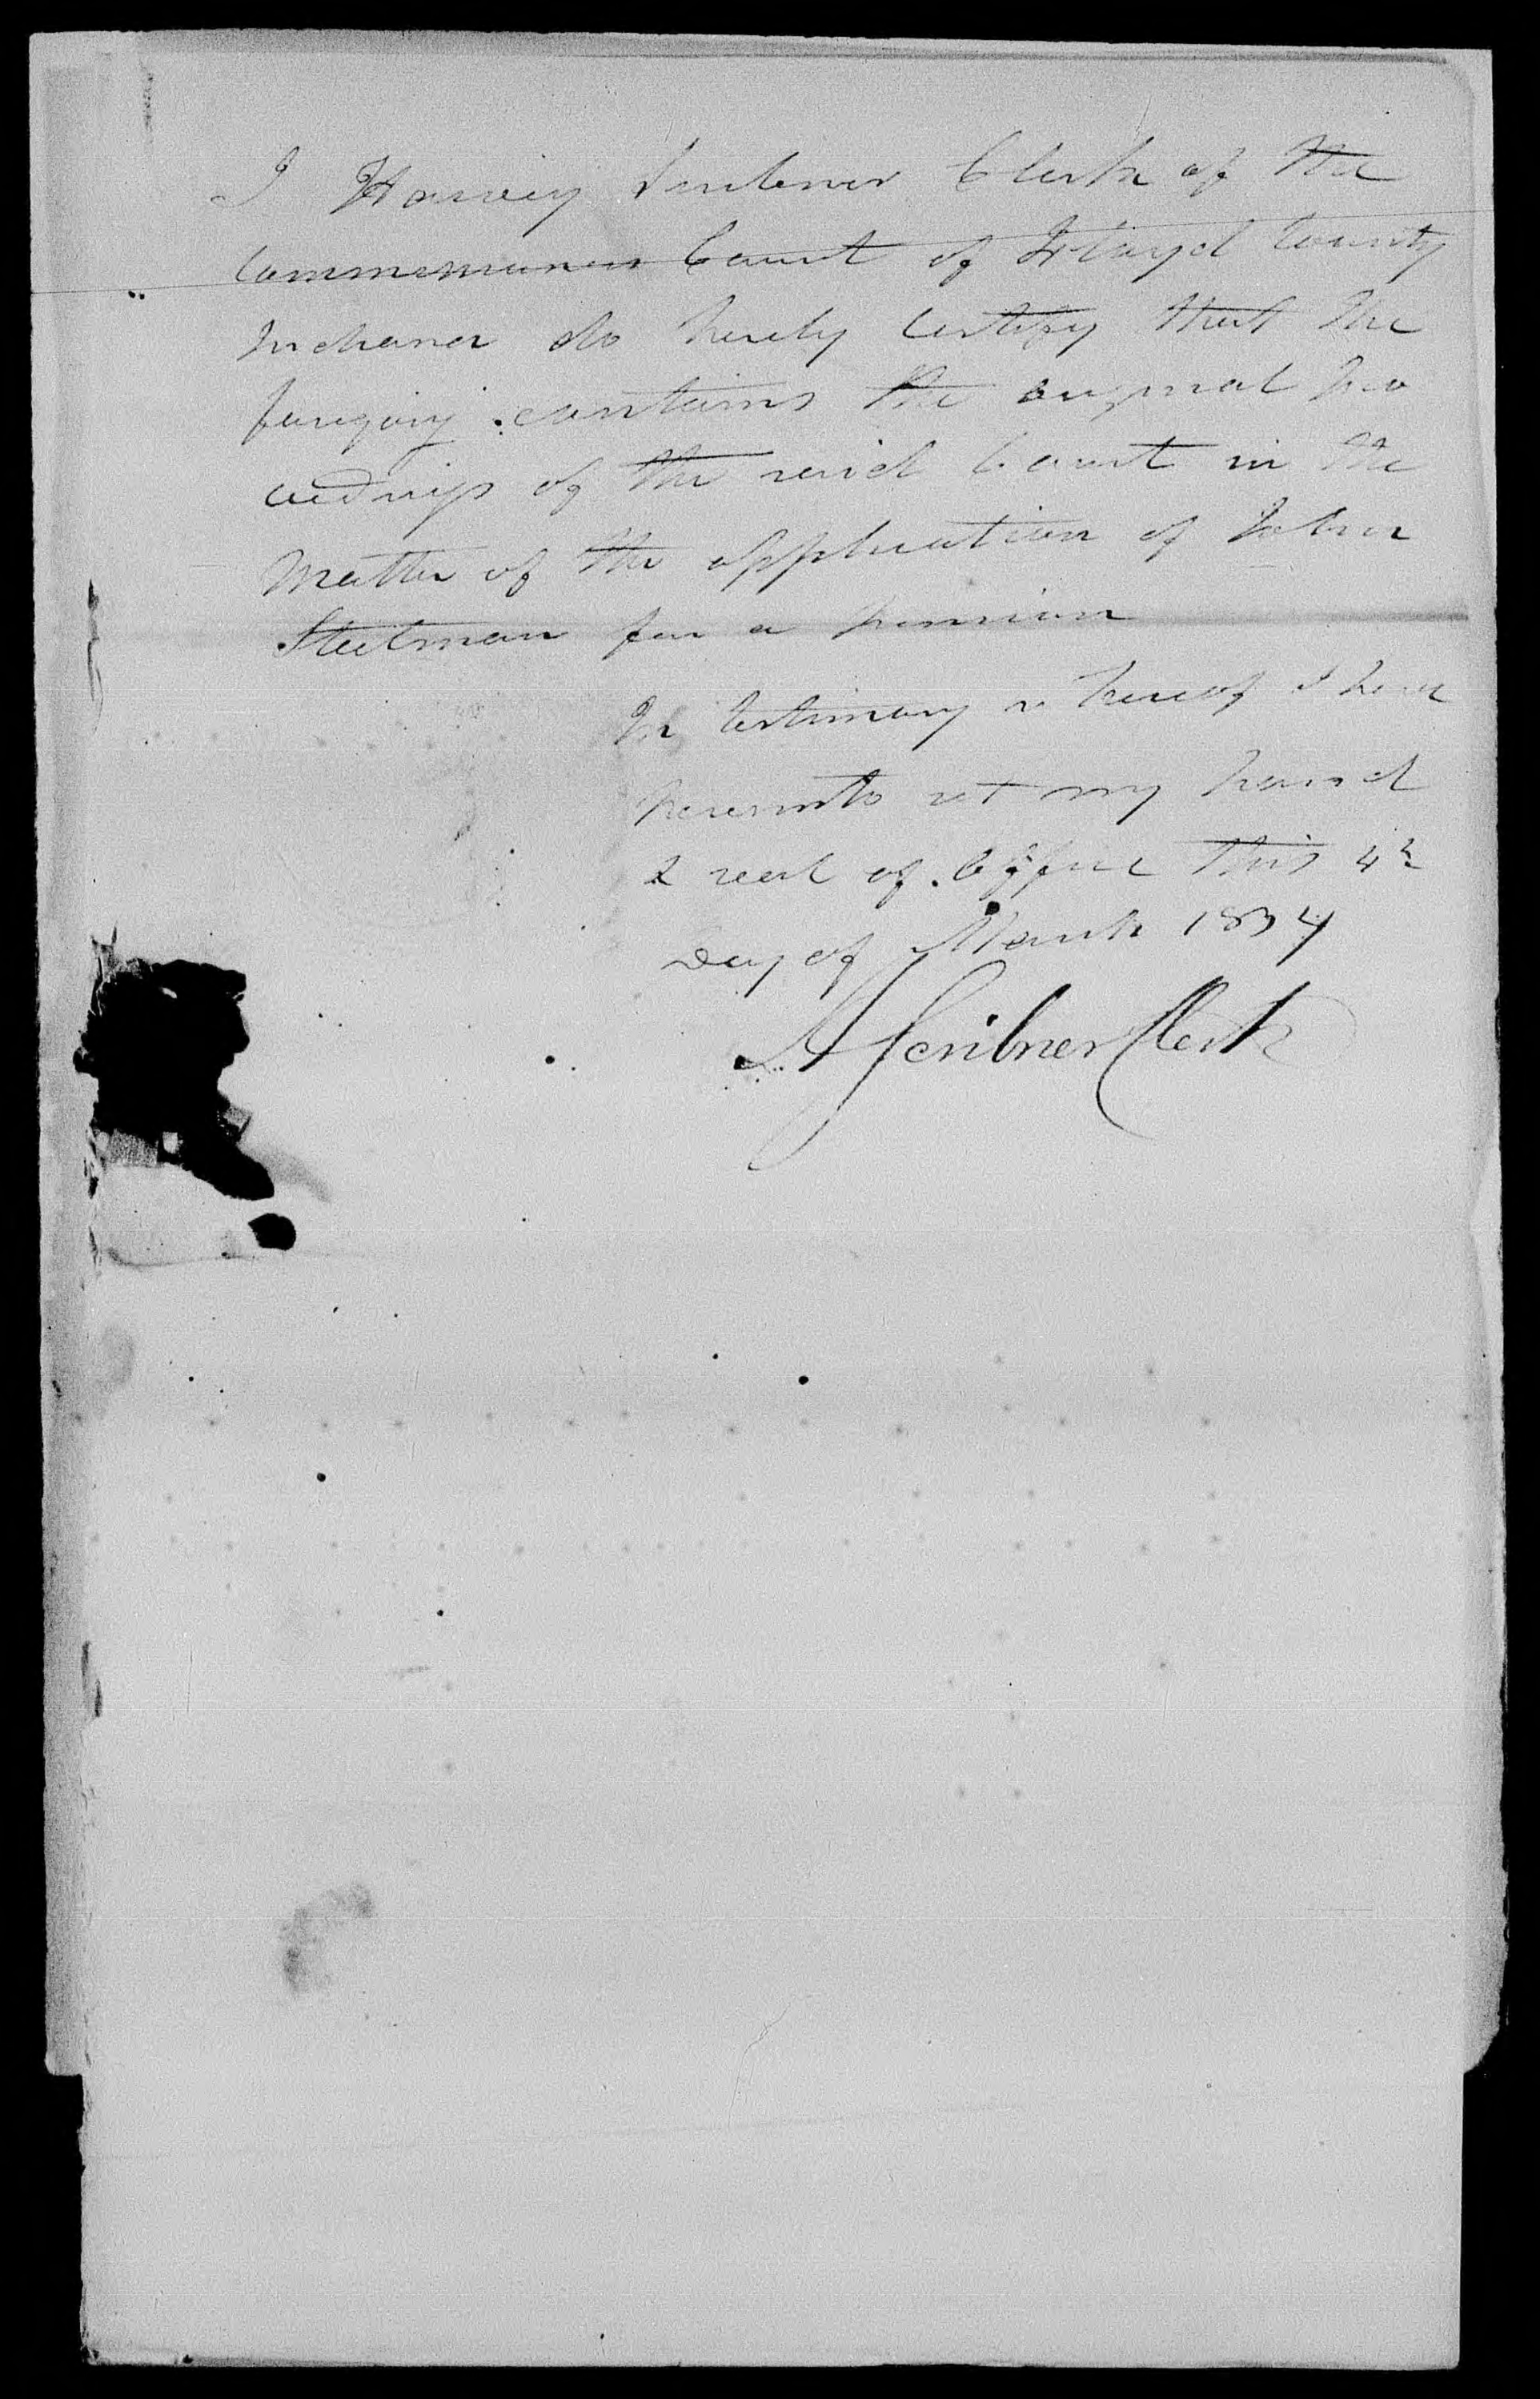I Harvey Scribner Clerk of the
Commissioners Court of Floyd County
Indiana do hereby certify that the
forgoing contains the original 
proceedings of the said Court in the
matter of the application of John
Stutman for a pension
In testimony whereof I have
hereunto set my hand
& seal of Office this 4th
day of March 1834
H Scribner Clerk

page: 12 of 56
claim: rejected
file: R 5529, for Samuel Jackson, Virginia